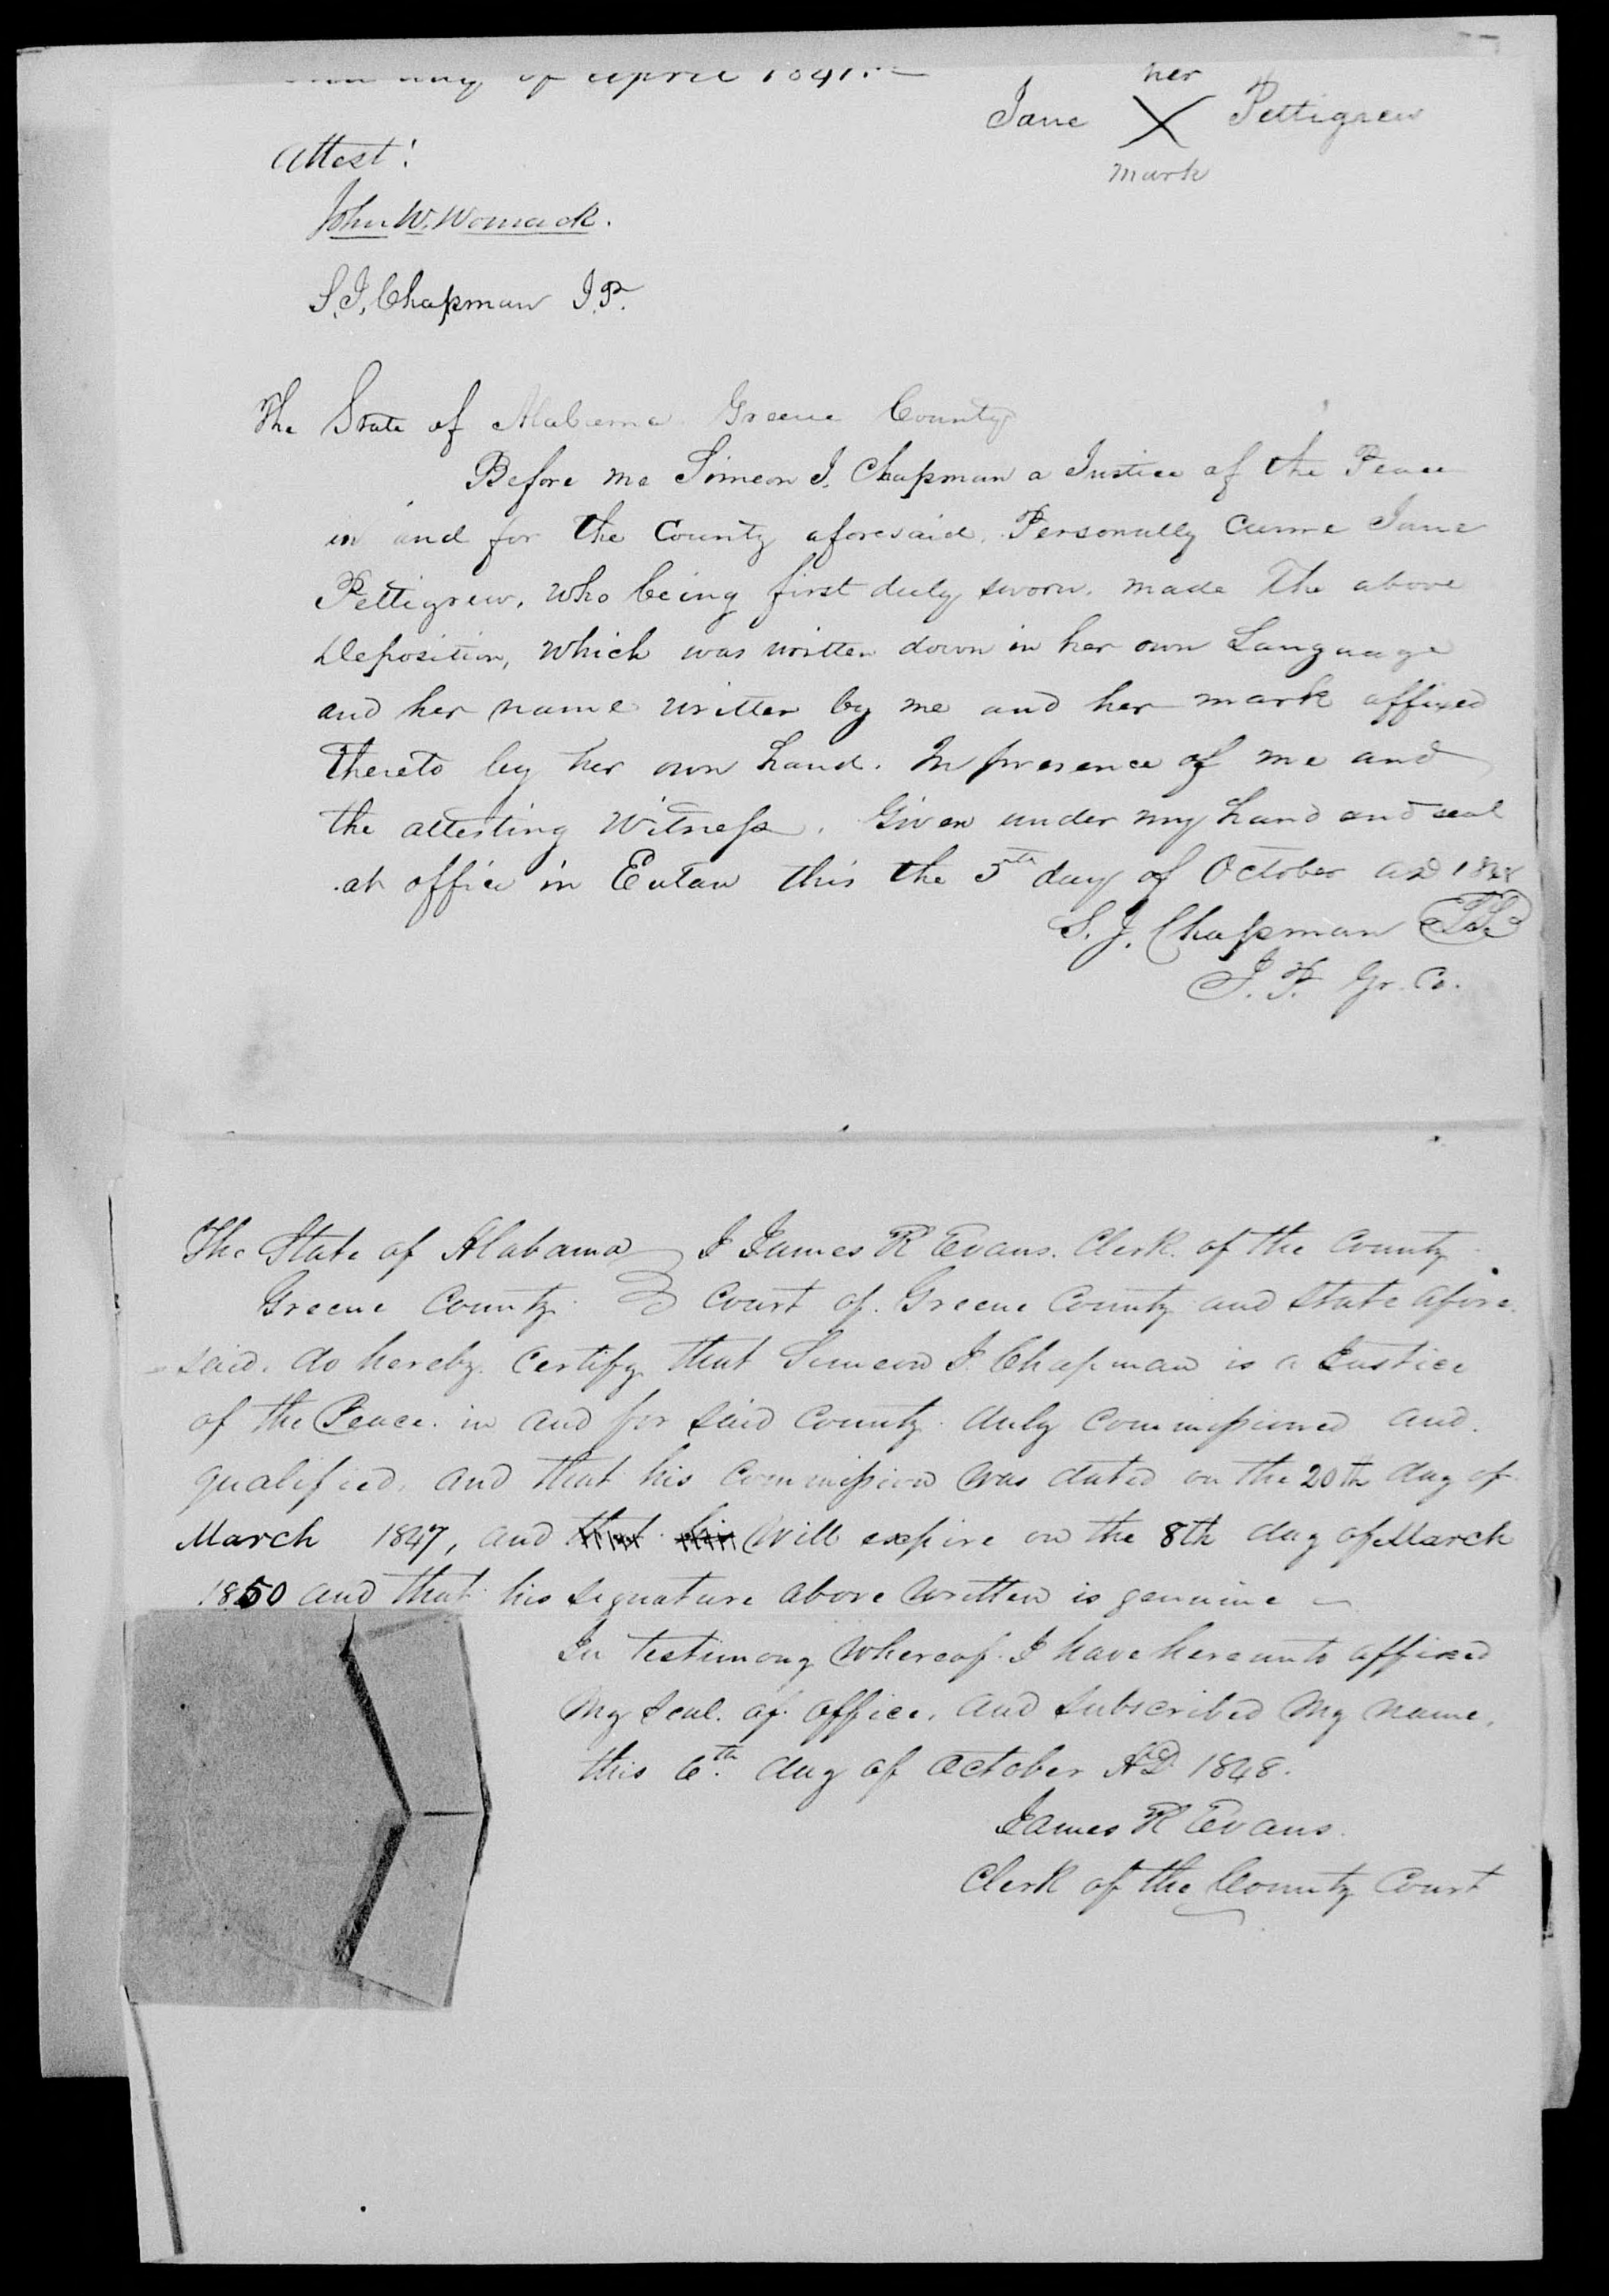Jane Pettigrew

The State of Alabama Greene County
Before me Simeon J. Chapman a Justice of the Peace in and for the county aforesaid. Personally came Jane Pettigrew, who being first duly sworn made The above Deposition, which was written down in her own Language and her name written by me and her mark affirmed Thereto by her own hand. [illegible] of me and the attesting witness. Given under my hand and seal of office in Eutaw this the 5th day of October in 1828
S. J. Chapman [seal "LP]
J. P. gr.co.

The State of Alabama
Greene County.
I James R Evans. Clerks of the County Court of Greene County  and State aforesaid do hereby certify that Simeon G Chapman is a Justice of the Peace. in and for the said county duly certified and qualified, And that his certification was dated on the 20th day of March 1847, and ["that his" crossed out]^will expiries on the 8th day of march 1850 and that his signature above written is genuine. ~
In testimony whereof I have hereunto affirmed any seal of office. And subscribed any name this 6th day of October AD 1848.
James R Evans.
Clerk of the County Court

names: John W Womack; Simeon J Chapman; Jane Pettigrew; James R Evans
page: 66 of 92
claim: widow's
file: W. 5522, for James Pettigrew, South Carolina